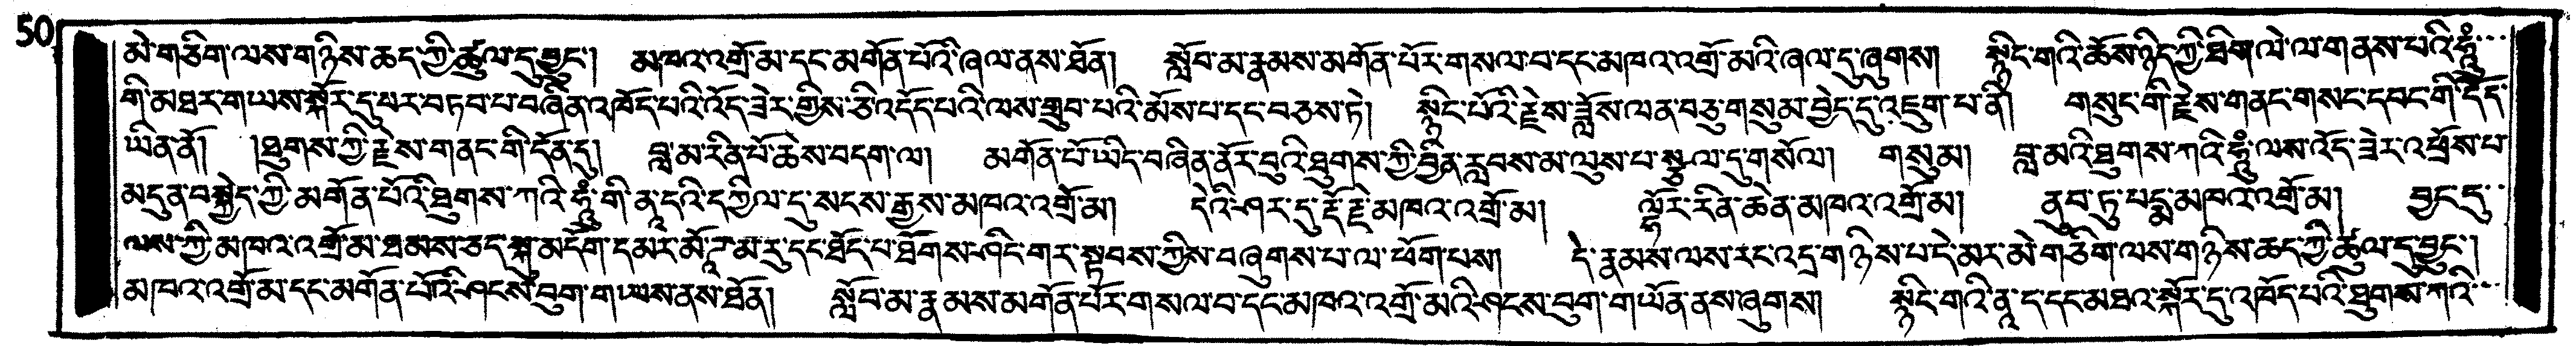མེ་གཅིག་ལས་གཉིས་ཆད་ཀྱི་ཚུལ་དུ་བྱུང་། མཁའ་འགྲོ་མ་དང་མགོན་པོའི་ཞལ་ནས་ཐོན། སློབ་མ་རྣམས་མགོན་པོར་གསལ་བ་དང་མཁའ་འགྲོ་མའི་ཞལ་དུ་ཞུགས། སྙིང་གའི་ཆོས་ཉིད་ཀྱི་ཐིག་ལེ་ལ་གནས་པའི་ཧཱུཾ་
གི་མཐར་གཡས་སྐོར་དུ་པར་བཏབ་པ་བཞིན་འཁོད་པའི་འོད་ཟེར་གྱིས་ཅི་འདོད་པའི་ལས་གྲུབ་པའི་མོས་པ་དང་བཅས་ཏེ། སྙིང་པོའི་རྗེས་ཟློས་ལན་བཅུ་གསུམ་བྱེད་དུ་འཇུག་པ་ནི། གསུང་གི་རྗེས་གནང་གསང་དབང་གི་དོད་
ཡིན་ནོ། །ཐུགས་ཀྱི་རྗེས་གནང་གི་དོན་དུ། བླ་མ་རིན་པོ་ཆེས་བདག་ལ། མགོན་པོ་ཡིད་བཞིན་ནོར་བུའི་ཐུགས་ཀྱི་བྱིན་རླབས་མ་ལུས་པ་སྩལ་དུ་གསོལ། གསུམ། བླ་མའི་ཐུགས་ཀའི་ཧཱུཾ་ལས་འོད་ཟེར་འཕྲོས་པ་
མདུན་བསྐྱེད་ཀྱི་མགོན་པོའི་ཐུགས་ཀའི་ཧཱུཾ་གི་ནཱ་དའི་དཀྱིལ་དུ་སངས་རྒྱས་མཁའ་འགྲོ་མ། དེའི་ཤར་དུ་རྡོ་རྗེ་མཁའ་འགྲོ་མ། ལྷོར་རིན་ཆེན་མཁའ་འགྲོ་མ། ནུབ་ཏུ་པདམ་མཁའ་འགྲོ་མ། བྱང་དུ་
ལས་ཀྱི་མཁའ་འགྲོ་མ་ཐམས་ཅད་སྐུ་མདོག་དམར་མོ་ཌཿཨཱ་མ་རུ་དང་ཐོད་པ་ཐོགས་ཤིང་གར་སྟབས་ཀྱིས་བཞུགས་པ་ལ་ཕོག་པས། དེ་རྣམས་ལས་རང་འདྲ་གཉིས་པ་དེ་མར་མེ་གཅིག་ལས་གཉིས་ཆད་ཀྱི་ཚུལ་དུ་བྱུང་།
མཁའ་འགྲོ་མ་དང་མགོན་པོའི་ཤངས་བུག་གཡས་ནས་ཐོན། སློབ་མ་རྣམས་མགོན་པོར་གསལ་བ་དང་མཁའ་འགྲོ་མའི་ཤངས་བུག་གཡོན་ནས་ཞུགས། སྙིང་གའི་ནཱ་ད་དང་མཐའ་སྐོར་དུ་འཁོད་པའི་ཐུགས་ཀའི་